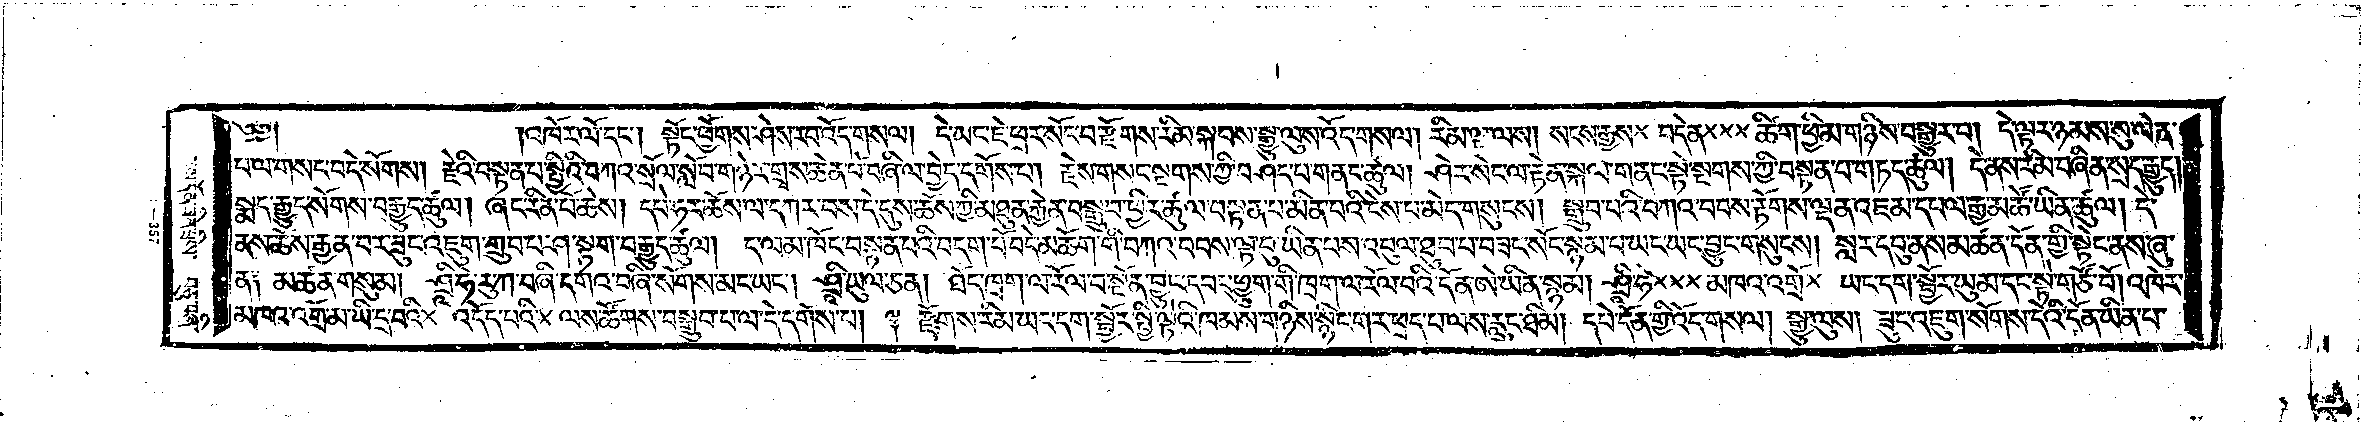༄༅། །འཁོར་ལོ་དང་། སྟོང་ཕྱོགས་ཤེས་རབ་འོད་གསལ། དེ་ཡང་ཇེ་ཕྲར་སོང་བ་རྫོགས་རིམ་སྐབས་སྒྱུ་ལུས་འོད་གསལ། རིམ་ལྔ་ལས། སངས་རྒྱས་྾་བདེན་྾྾྾་ཚིག་ཕྱི་མ་གཉིས་བསྒྱུར་བ། དེ་ལྟར་ཉམས་སུ་ལེན་
པ་ལ་གསང་བདེ་སོགས། རྗེའི་བསྟན་པ་སྤྱིའི་བཀའ་སྲོལ་སློབ་གཉེར་གྲྭས་ཆེན་པོ་བཞི་ལ་བྱེད་དགོས་པ། རྗེས་གསང་སྔགས་ཀྱི་བཤད་པ་གནང་ཚུལ། ཤེར་སེང་ལ་རྟེན་སྐལ་གནང་སྟེ་སྔགས་ཀྱི་བསྟན་པ་གཏད་ཚུལ། དེ་ནས་རིམ་བཞིན་སྲད་རྒྱུད།
སྨད་རྒྱུད་སོགས་བརྒྱུད་ཚུལ། ཞང་རིན་པོ་ཆེས། དཔེ་ཧར་ཆོས་ལ་དཀར་བས་དེ་དུས་ཆོས་ཀྱི་མཐུན་རྐྱེན་བསྒྲུབ་ཕྱིར་ཚུལ་བསྟན་པ་མིན་པའི་ངེས་པ་མེད་གསུངས། སྒྲུབ་པའི་བཀའ་བབས་རྟོགས་ལྡ་འཇམ་དཔལ་རྒྱ་མཚོ་ཡིན་ཚུལ། དེ་
ནས་ཆོས་རྒྱན་པར་ཟུང་འཇུག་གྲུབ་པ་ཤ་སྟག་བརྒྱུད་ཚུལ། ད་ལམ་ཁོང་བསྟན་པའི་བདག་པོ་བདེ་མཆོག་གི་བཀའ་བབས་ལྟ་བུ་ཡིན་པས་འབུལ་ཐུབ་པ་བཟང་སོང་སྙམ་པ་ཡང་ཡང་བྱུང་གསུངས། སླར་དབུ་ནས་མཚན་དོན་གྱི་སྟེང་ནས་ཞུ་
ན༑ མཚན་གསུམ། ཤྲཱི་ཧེ་རུ་ཀ་བཞི་དགའ་བཞི་སོགས་མང་ཡང་། ཤྲཱི་ཡུལ་ཅན། ཐོད་ཁྲག་ལ་རོལ་བ་སྔོན་བྱུང་དབང་ཕྱུག་གི་ཁྲག་ལ་རོལ་བའི་དོན་ཨེ་ཡིན་སྙམ། ཤྲཱི་ཧེ྾྾྾་མཁའ་འགྲོ་྾་ཡང་དག་སྦྱོར་ཡུམ་དང་སྟེ་གཙོ་བོ། འཁོར་
མཁའ་འགྲོ་མ་ཡི་དྲ་བའི་྾་འདོད་པའི་྾་ལས་ཚོགས་བསྒྲུབ་པ་ལ་དེ་དགོས་པ། ༈ རྫོགས་རིམ་ཡང་དག་སྦྱོར་སྤྱི་ལྟེའི་ཁམས་གཉིས་སྙིང་གར་ཕྲད་པ་ལས་རླུང་ཐིམ། དཔེ་དོན་གྱི་འོད་གསལ། སྒྱུ་ལུས། ཟུང་འཇུག་སོགས་དེའི་དོན་ཡིན་པ་